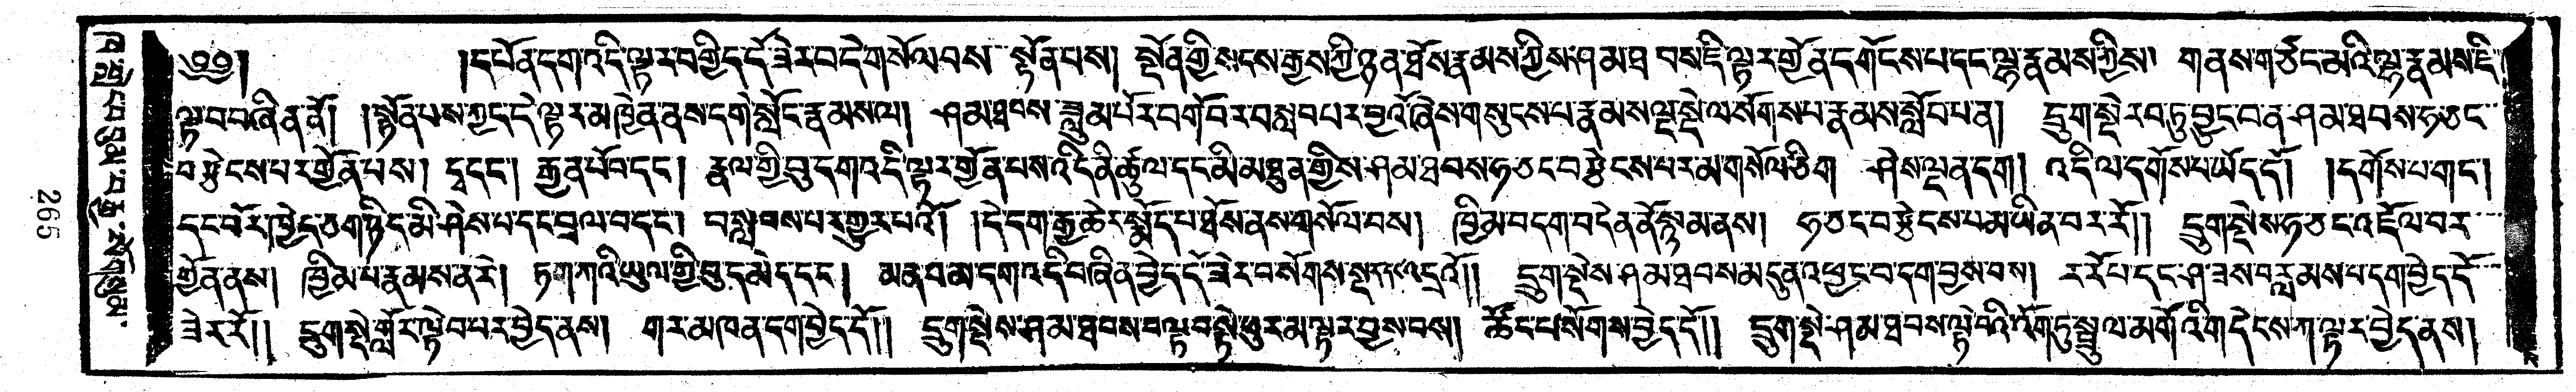༄༅། །དཔོན་དག་འདི་ལྟར་བགྱིད་དོ་ཟེར་བ་དེ་གསོལ་བས་སྟོན་པས། སྔོན་གྱི་སངས་རྒྱས་ཀྱི་ཉན་ཐོས་རྣམས་ཀྱིས་ཤམ་ཐབས་ཇི་ལྟར་གྱོན་དགོངས་པ་དང་ལྷ་རྣམས་ཀྱིས། གནས་གཙང་མའི་ལྷ་རྣམས་ཇི་
ལྟ་བ་བཞིན་ནོ། །སྟོན་པས་ཀྱང་དེ་ལྟར་མཁྱེན་ནས་དགེ་སློང་རྣམས་ལ། ཤམ་ཐབས་ཟླུམ་པོར་བགོ་བར་བསླབ་པར་བྱའོ་ཞེས་གསུངས་པ་རྣམས་ལྔ་སྡེ་ལ་སོགས་པ་རྣམས་སློབ་པ་ན། དྲུག་སྡེ་རབ་ཏུ་བྱུང་བ་ན་ཤམ་ཐབས་ཧ་ཅང་
བརྩེངས་པར་གྱོན་པས། དྭ་དང་། རྒྱན་པོ་བ་དང་། རྣལ་གྱི་བུ་དག་འདི་ལྟར་གྱོན་པས་འདི་ནི་ཚུལ་དང་མི་མཐུན་གྱིས་ཤམ་ཐབས་ཧ་ཅང་བརྩེངས་པར་མ་གསོལ་ཅིག །ཤེས་ལྡན་དག། འདི་ལ་དགོས་པ་ཡོད་དོ། །དགོས་པ་གང་།
དང་པོར་ཁྱེད་ཅག་ཉིད་མི་ཤེས་པ་དང་བྲལ་བ་དང་། བསླབས་པར་གྱུར་པའོ། །དེ་དག་རྒྱ་ཆེར་སྨོད་པ་ཐོས་ནས་གསོལ་བས། ཁྱིམ་བདག་བདེན་ནོ་སྙམ་ནས། ཧ་ཅང་བརྩེངས་པ་མ་ཡིན་པར་རོ།། དྲུག་སྡེས་ཧ་ཅང་འཇོལ་བར་
གྱོན་ནས། ཁྱིམ་པ་རྣམས་ན་རེ། ཏག་ཀའི་ཡུལ་གྱི་བུད་མེད་དང་། མན་པ་མ་དག་འདི་བཞིན་བྱེད་དོ་ཟེར་བ་སོགས་སྔར་དང་འདྲའོ།། དྲུག་སྡེས་ཤམ་ཐབས་མདུན་འཕྱང་བ་དག་བྱས་པས། ར་རོ་པ་དང་ཤ་ཟས་བརླམས་པ་དག་བྱེད་དོ་
ཟེར་རོ།། དྲུག་སྡེ་གློར་ལྟེབ་པར་བྱེད་ནས། གར་མཁན་དག་བྱེད་དོ།། དྲུག་སྡེས་ཤམ་ཐབས་བལྟ་བ་སྟེ་ཕུར་མ་ལྟར་བྱས་པས། ཚོང་པ་སོགས་བྱེད་དོ།། དྲུག་སྡེ་ཤམ་ཐབས་ལྟེ་བའི་འོག་ཏུ་སྤྲུལ་མགོའི་གདེངས་ཀ་ལྟར་བྱེད་ནས།